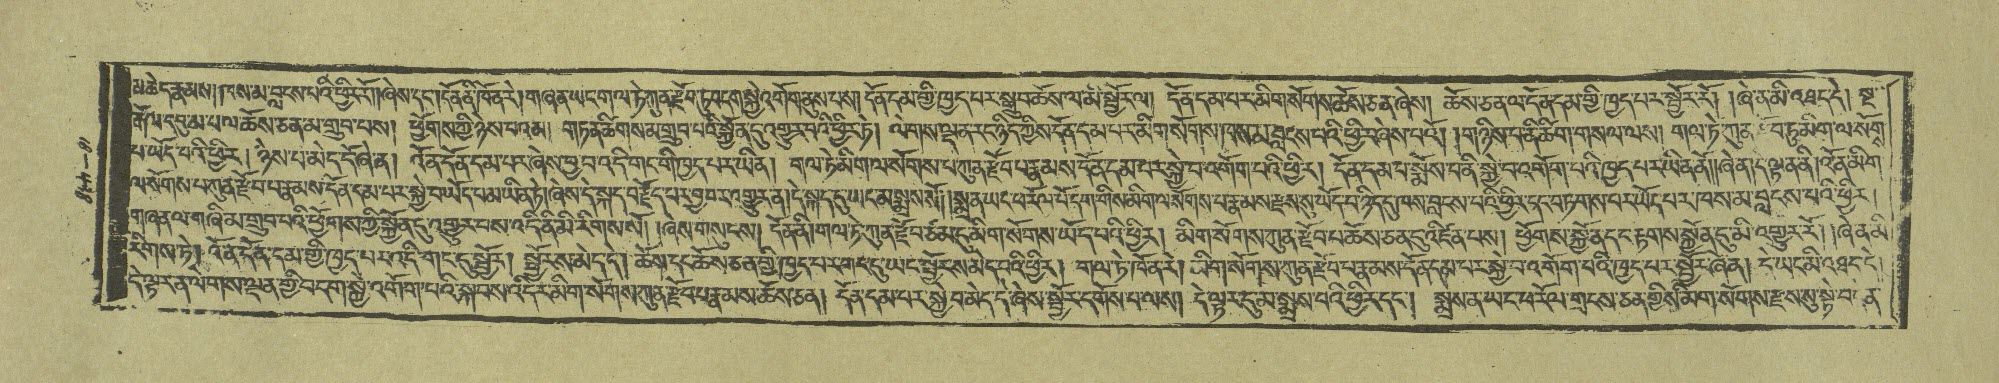མཆེད་རྣམས། ཁས་མ་བླངས་པའི་ཕྱིར་རོ། །ཞེས་དང་། དོན་ནི་ཁོ་ན་རེ། གཞན་ཡང་གལ་ཏེ་ཀུན་རྫོབ་ཏུ་བདག་སྐྱེ་འགོག་ནུས་པས། དོན་དམ་གྱི་ཁྱད་པར་སྒྲུབ་ཆོས་ལ་མི་སྦྱོར་ལ། དོན་དམ་པར་མིག་སོགས་ཆོས་ཅན་ཞེས། ཆོས་ཅན་ལ་དོན་དམ་གྱི་ཁྱད་པར་སྦྱོར་རོ། །ཞེ་ན་མི་འཐད་དེ། སྔ་
རྒོལ་དབུ་མ་པ་ལ་ཆོས་ཅན་མ་གྲུབ་པས། ཕྱོགས་ཀྱི་ཉེས་པའམ། གཏན་ཚིགས་མ་གྲུབ་པའི་སྐྱོན་དུ་འགྱུར་པའི་ཕྱིར་ཏེ། ལེགས་ལྡན་རང་ཉིད་ཀྱིས་དོན་དམ་པར་མིག་སོགས་ཁས་མ་བླངས་པའི་ཕྱིར་ཞེས་པའོ། །གཉིས་པ་ནི་ཚིག་གསལ་ལས། གལ་ཏེ་ཀུན་རྫོབ་ཏུ་མིག་ལ་སོགས་
པ་ཡོད་པའི་ཕྱིར། ཉེས་པ་མེད་དོ་ཞེ་ན། འོ་ན་དོན་དམ་པར་ཞེས་བྱ་བ་འདི་གང་གི་ཁྱད་པར་ཡིན། གལ་ཏེ་མིག་ལ་སོགས་པ་ཀུན་རྫོབ་པ་རྣམས་དོན་དམ་པར་སྐྱེ་བ་འགོག་པའི་ཕྱིར། དོན་དམ་པ་སྨོས་པ་ནི་སྐྱེ་བ་འགོག་པའི་ཁྱད་པར་ཡིན་ནོ། །ཞེ་ན། དེ་ལྟ་ན་ནི། འོ་ན་མིག་
ལ་སོགས་པ་ཀུན་རྫོབ་པ་རྣམས་དོན་དམ་པར་སྐྱེ་བ་ཡོད་པ་མ་ཡིན་ཏེ། ཞེས་དེ་སྐད་བརྗོད་པར་བྱ་བར་འགྱུར་ན། དེ་སྐད་དུ་ཡང་མ་སྨྲས་སོ། །སྨྲན་ཡང་ཕ་རོལ་པོ་དག་གིས་མིག་ལ་སོགས་པ་རྣམས་རྫས་སུ་ཡོད་པ་ཉིད་དུ་ཁས་བླངས་པའི་ཕྱིར་དང་བཏགས་པར་ཡོད་པར་ཁས་མ་བླངས་པའི་ཕྱིར།
གཞན་ལ་གཞི་མ་གྲུབ་པའི་ཕྱོགས་ཀྱི་སྐྱོན་དུ་འགྱུར་པས་འདི་ནི་མི་རིགས་སོ། །ཞེས་གསུངས། དོན་ནི། གལ་ཏེ་ཀུན་རྫོབ་ཙམ་དུ་མིག་སོགས་ཡོད་པའི་ཕྱིར། མིག་སོགས་ཀུན་རྫོབ་པ་ཆོས་ཅན་དུ་འཛིན་པས། ཕྱོགས་སྐྱོན་དང་རྟགས་སྐྱོན་དུ་མི་འགྱུར་རོ། །ཞེ་ན་མི་
རིགས་ཏེ། འོ་ན་དོན་དམ་གྱི་ཁྱད་པར་འདི་གང་དུ་སྦྱོར། སྦྱོར་ས་མེད་དེ། ཆོས་དང་ཆོས་ཅན་གྱི་ཁྱད་པར་གང་དུ་ཡང་སྦྱོར་ས་མེད་པའི་ཕྱིར། གལ་ཏེ་ཁོ་ན་རེ། མིག་སོགས་ཀུན་རྫོབ་པ་རྣམས་དོན་དམ་པར་སྐྱེ་བ་འགོག་པའི་ཁྱད་པར་སྦྱོར་ཞེ་ན། དེ་ཡང་མི་འཐད་དེ།
དེ་ལྟར་ན་ལེགས་ལྡན་གྱི་བདག་སྐྱེ་འགོག་པའི་སྐབས་འདིར་མིག་སོགས་ཀུན་རྫོབ་པ་རྣམས་ཆོས་ཅན། དོན་དམ་པར་སྐྱེ་བ་མེད་དེ་ཞེས་སྦྱོར་དགོས་པ་ལས། དེ་ལྟར་དུ་མ་སྨྲས་པའི་ཕྱིར་དང་། སྨྲས་ན་ཡང་ཕ་རོལ་གྲངས་ཅན་གྱིས་མིག་སོགས་རྫས་སུ་སྟེ་བདེན་